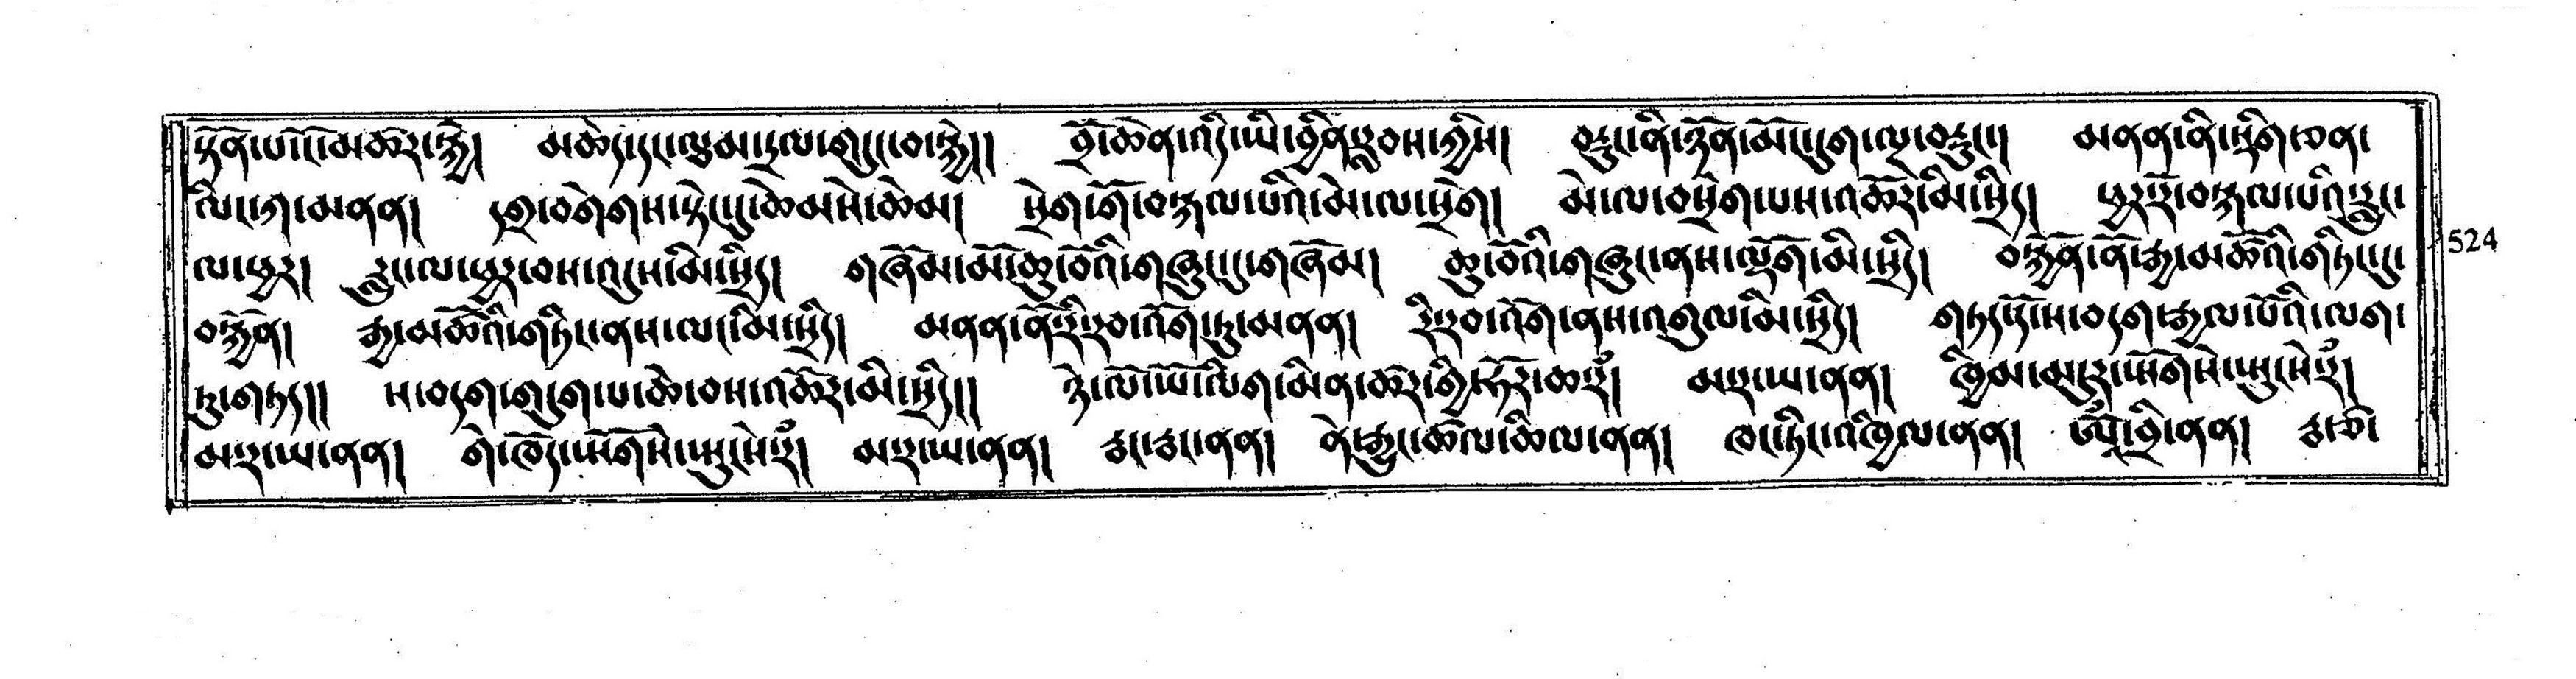སྟོན་པ་ངོ་མཚར་སྐྱེ། མཆེད་དང་ལྕམ་དྲལ་གདུང་བ་སྐྱེ།། བྲོ་ཆེན་འདི་ཡི་བྱིན་རླབས་ཀྱིས། བརྡུང་ནི་ཉོན་མོངས་དུག་ལྔ་བརྡུང་། མནན་ནི་སྡིག་ཅན་
ལིང་ཀ་མནན། དགྲ་བགེགས་སྟེང་དུ་ཆེམསེ་ཆེམ། སྲེག་གོ་བསྐལ་པའི་མེ་ལ་སྲེག མེ་ལ་བསྲེག་པས་འཆོར་མི་སྲིད། ཕྱར་རོ་བསྐལ་པའི་རླུང་
ལ་ཕྱར། རླུང་ལ་ཕྱར་བས་འདུས་མི་སྲིད། གཞོམ་མོ་ཆུ་བོའི་གཞུང་དུ་གཞོམ། ཆུ་བོའི་གཞུང་ནས་ལྡོག་མི་སྲིད། བསྐྱོན་ནོ་རྒྱ་མཚོའི་གཏིང་དུ་
བསྐྱོན། རྒྱ་མཚོའི་གཏིང་ནས་ལང་མི་སྲིད། མནན་ནོ་རི་རབ་འོག་ཏུ་མནན། རི་རབ་འོག་ནས་འགུལ་མི་སྲིད། གཏད་དོ་ས་བདག་རྒྱལ་པོའི་ལག་
ཏུ་གཏད།། ས་བདག་གདུག་པ་ཆེ་བས་འཆོར་མི་སྲིད།། ཉེ་ལོ་ཡོ་ལིག་མིན་ཚར་གྱི་ཧོར་ཆ་རཾ། མ་ར་ཡ་ནན། ཁྱིམ་མདུར་སྤོགས་སེ་སྤུངས་སེ་རཾ། 
མ་ར་ཡ་ནན། གེ་ཁོད་སྤོགས་སེ་སྤུངས་སེ་རཾ། མ་ར་ཡ་ནན། རྦང་རྦང་ནན། ནེ་རྒྱུང་ཚལ་ཆིལ་ནན། ཁང་ཏིང་འཁྱིལ་ནན། ཨཱོཾ་བྲི་ནན། རྦ་ཙ་